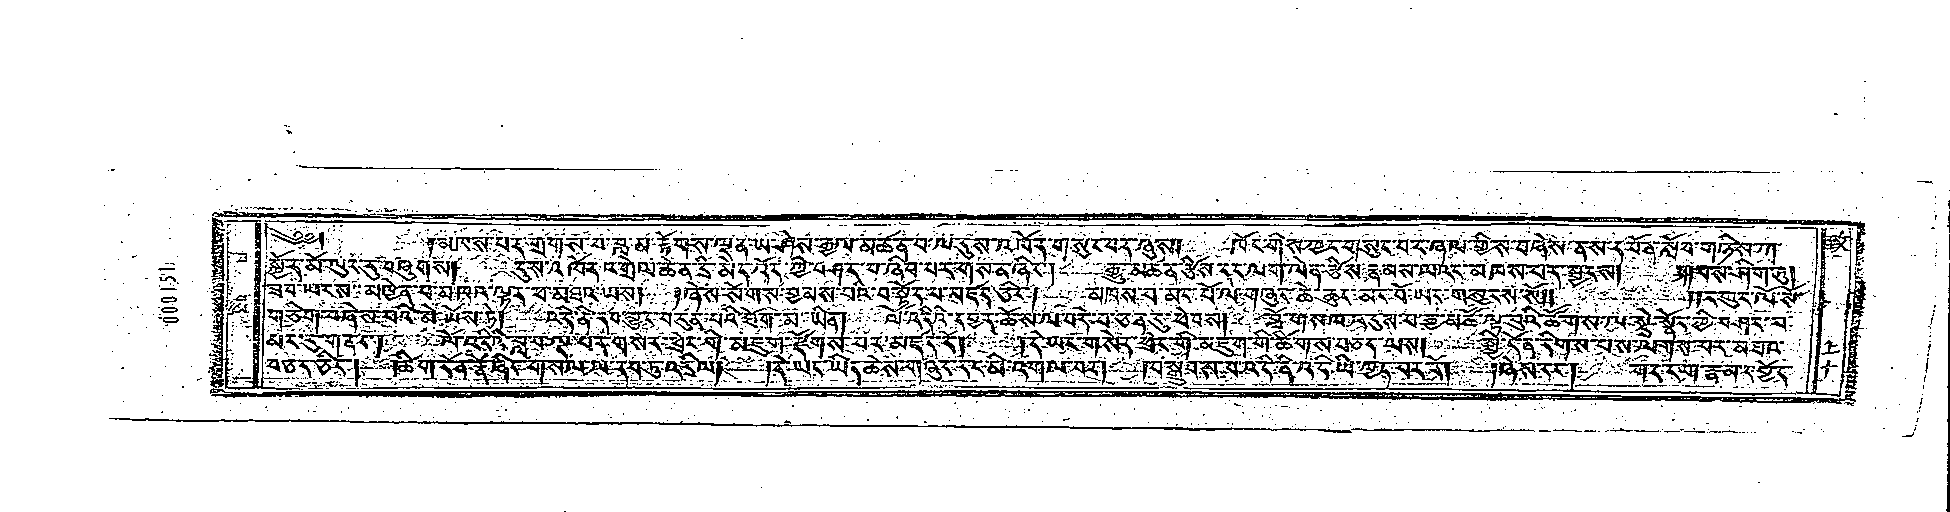༄༅། །མཁས་པར་གྲགས་བ་བླ་མ་རྟོགས་ལྡན་ཡེ་ཤེས་རྒྱལ་མཚན་པ་ལ་དུས་འཁོར་གསུང་བར་ཞུས། ཁོང་གིས་ཀྱང་གསུང་བར་ཞལ་གྱིས་བཞེས་ནས་དཔོན་སློབ་གཉིས་ཀ་
སྐྱོར་མོ་ལུང་དུ་བཞུགས། དུས་འཁོར་འགྲེལ་ཆེན་དྲི་མེད་འོད་ཀྱི་བཤད་པ་ཞིབ་པར་གསན་ཞིང་། རྒྱུ་མཚན་རྩིས་དང་ལག་ལེན་རྩིས་རྣམས་ལའང་མཁས་པར་སྦྱངས། སྐབས་ཤིག་ཏུ།
ཟབ་ཡངས་མཁྱེན་པ་མཁའ་ལྟར་ཕ་མཐའ་ཡས། །ཞེས་སོགས་བྱམས་པའི་བསྟོད་པ་མཛད་ཅིང་། མཁས་པ་མང་པོ་ལ་གཞུང་ཆེ་ཆུང་མང་བོ་ཡང་གསུངས་སོ།། །།དགུང་ལོ་སོ་
གཅིག་བཞེས་པའི་མེ་ཡོས་ཏེ། འདི་ནི་རབ་བྱུང་བདུན་པའི་ཐོག་མ་ཡིན། ལོ་འདིའི་དབྱར་ཆོས་ལ་བདེ་བ་ཅན་དུ་ཕེབས། བློ་གསལ་འདུས་པ་རྒྱ་མཚོ་ལྟ་བུའི་ཚོགས་ལ་སྡེ་སྣོད་ཀྱི་བཤད་པ་
མང་རུ་གནང་། ལོ་འདིའི་ཟླ་བ་ལྔ་པར་གསིར་ཕྲེང་གི་མཇུག་རྫོགས་པར་མཛད་དོ། །དེ་ཡང་གསེར་ཕྲེང་གི་མཇུག་གི་ཚིགས་བཅད་ལས། སྤྱི་དོན་རིགས་པས་ལེགས་པར་མཐའ་
བཅད་ཅིང་། །ཚིག་དོན་རྣོ་ཞིང་གསལ་ལ་རབ་ཏུ་འདྲིལ། །དེ་ཡང་ཡིད་ཆེས་གཞུང་དང་མི་འགལ་བར། །བ་སྒྲུབས་པ་འདི་ནི་འདི་ཡི་ཁྱེད་བར་རོ། །ཞེས་དང་། གང་དག་རྣམ་དཔྱོད་